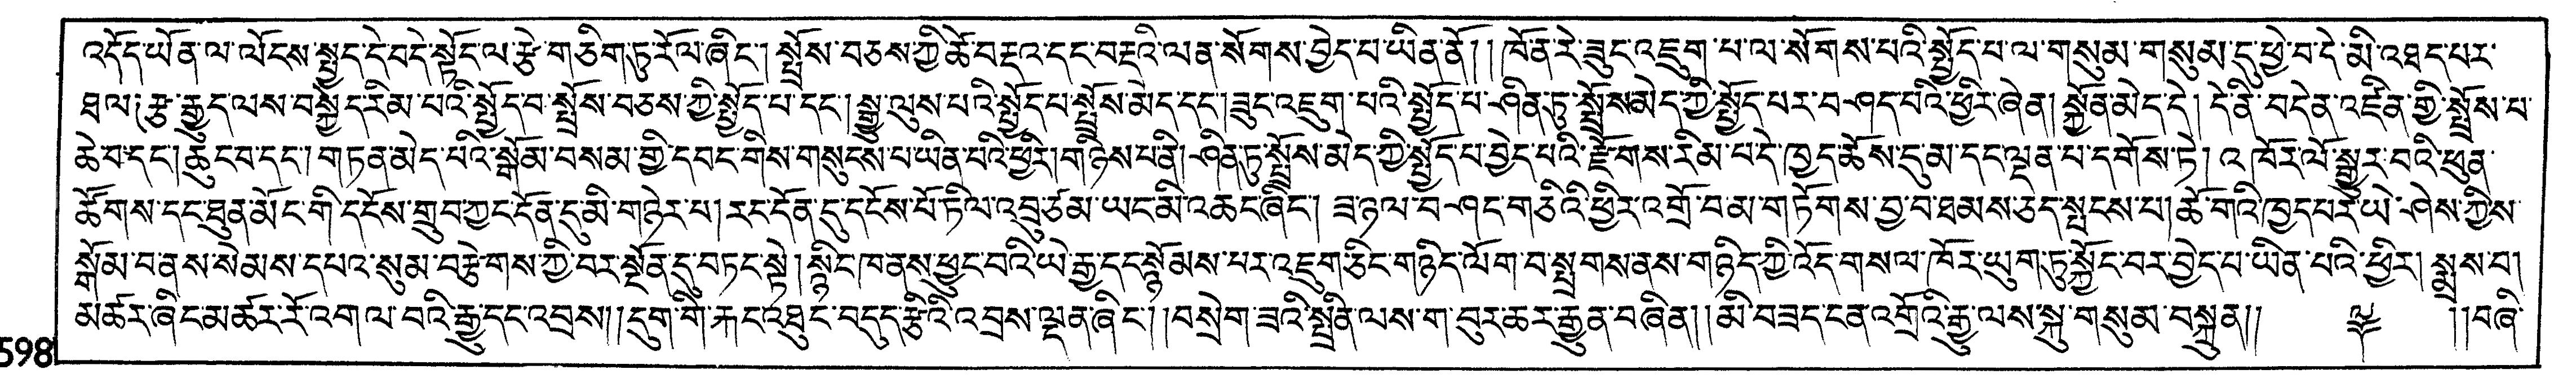འདོད་ཡོན་ལ་ལོངས་སྤྱད་དེ་བདེ་སྟོང་ལ་རྩེ་གཅིག་ཏུ་རོལ་ཞིང་། སྤྲོས་བཅས་ཀྱི་ཚེ་བརྡའ་དང་བརྡའི་ལན་སོགས་བྱེད་པ་ཡིན་ནོ། །ཁོ་ན་རེ་ཟུང་འཇུག་པ་ལ་སོགས་པའི་སྤྱོད་པ་ལ་གསུམ་གསུམ་དུ་ཕྱེ་བ་དེ་མི་འཐད་པར་
ཐལ༑ རྩ་རྒྱུད་ལས་བསྐྱེད་རིམ་པའི་སྤྱོད་པ་སྤྲོས་བཅས་ཀྱི་སྤྱོད་པ་དང་། སྒྱུ་ལུས་པའི་སྤྱོད་པ་སྤྲོས་མེད་དང་། ཟུང་འཇུག་པའི་སྤྱོད་པ་ཤིན་ཏུ་སྤྲོས་མེད་ཀྱི་སྤྱོད་པར་བཤད་པའི་ཕྱིར་ཞེན། སྐྱོན་མེད་དེ། དེ་ནི་བདེན་འཛིན་གྱི་སྤྲོས་པ་
ཆེ་བ་དང་། ཆུང་བ་དང་། གཏན་མེད་པའི་སྒོམ་བསམ་གྱི་དབང་གིས་གསུངས་པ་ཡིན་པའི་ཕྱིར། གཉིས་པ་ནི། ཤིན་ཏུ་སྤྲོས་མེད་ཀྱི་སྤྱོད་པ་བྱེད་པའི་རྫོགས་རིམ་པ་དེ་ཁྱད་ཆོས་དུ་མ་དང་ལྡན་པ་དགོས་ཏེ། འཁོར་ལོ་སྒྱུར་བའི་ཕུན་
ཚོགས་དང་ཐུན་མོང་གི་དངོས་གྲུབ་ཀྱང་དོན་དུ་མི་གཉེར་པ། རང་དོན་དུ་དངོས་པོ་ཏིལ་འབྲུ་ཙམ་ཡང་མི་འཆང་ཞིང་། ཟ་ཉལ་བཤང་གཅིའི་ཕྱིར་འགྲོ་བ་མ་གཏོགས་བྱ་བ་ཐམས་ཅད་སྤངས་པ། ཆོ་གའི་ཁྱད་པར་ཡེ་ཤེས་ཀྱི་ས་
སྒོམ་བ་ནས་སེམས་དཔའ་སུམ་བརྩེགས་ཀྱི་བར་སྔོན་དུ་བཏང་སྟེ། སྙིང་ཁ་ནས་ཕྱུང་བའི་ཡེ་རྒྱ་དང་སྙོམས་པར་འཇུག་ཅིང་གཉིད་ལོག་བ་སྤྲགས་ནས་གཉིད་ཀྱི་འོད་གསལ་ཁོར་ཡུག་ཏུ་སྐྱོང་བར་བྱེད་པ་ཡིན་པའི་ཕྱིར། སྨྲས་བ།
མཚར་ཞིང་མཚར་རོ་འགལ་བའི་རྒྱུ་དང་འབྲས། །དུག་གི་རྐང་འཐུང་བདུད་རྩིའི་འབྲས་ལྡན་ཞིང་། །བསྲེག་ཟའི་སྤྲིན་ལས་ག་བུར་ཆར་རྒྱུན་བཞིན། །མི་བཟད་ངན་འགྲོའི་རྒྱུ་ལས་སྐུ་གསུམ་བསྐུན།། ༈ །།བཞི་